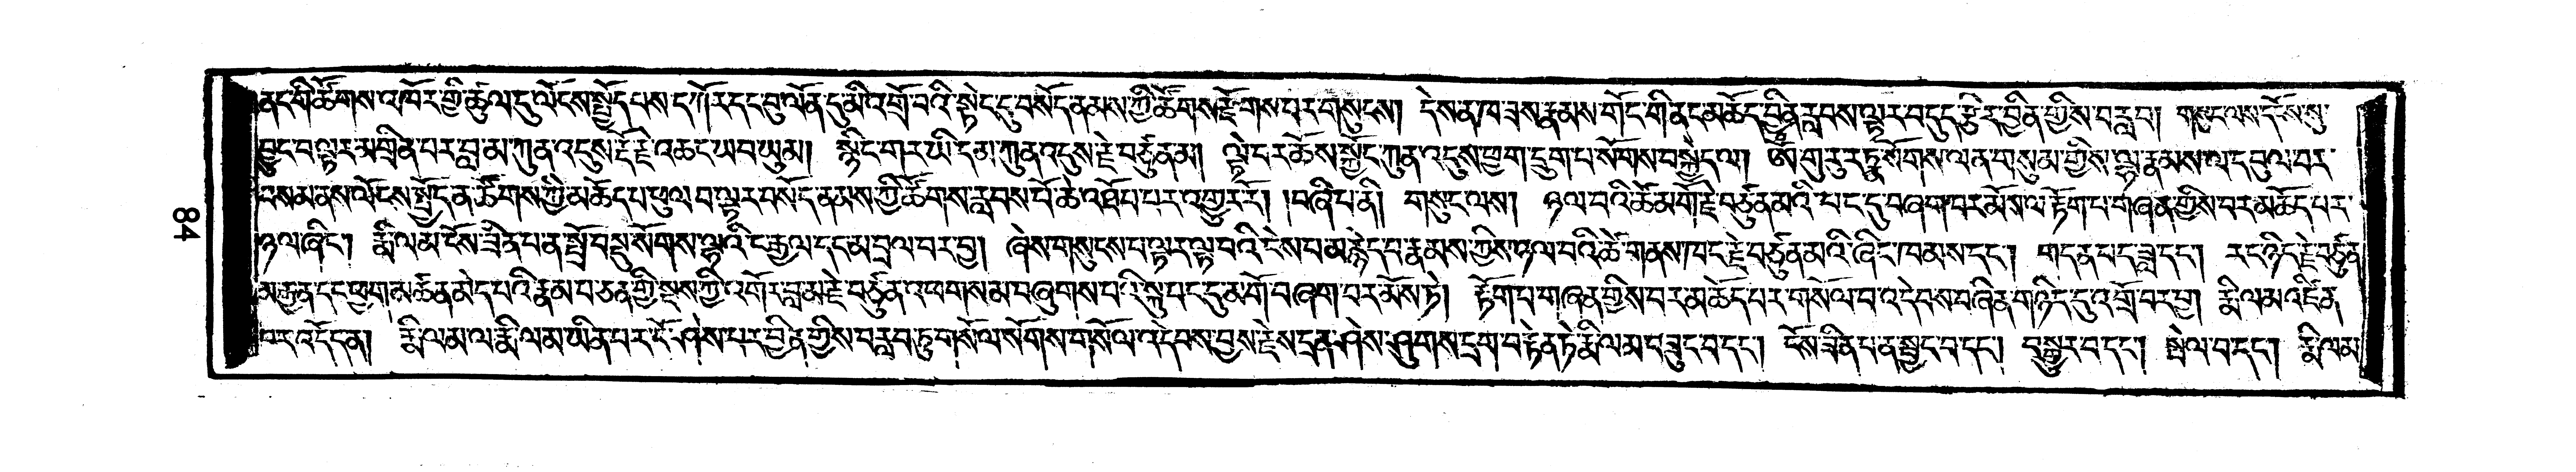ནང་གི་ཚོགས་འཁོར་གྱི་ཚུལ་དུ་ལོངས་སྤྱོད་པས་དཀོར་དང་བུ་ལོན་དུ་མི་འགྲོ་བའི་སྟེང་དུ་བསོད་ནམས་ཀྱི་ཚོགས་རྫོགས་པར་གསུངས། དེས་ན་ཁ་ཟས་རྣམས་གོང་གི་ནང་མཆོད་བྱིན་རླབས་ལྟར་བདུད་རྩིར་བྱིན་གྱིས་བརླབ། གསུང་ལས་དངོས་སུ་
བྱུང་བ་ལྟར་མགྲིན་པར་བླ་མ་ཀུན་འདུས་རྡོ་རྗེ་འཆང་ཡབ་ཡུམ། སྙིང་གར་ཡི་དམ་ཀུན་འདུས་རྗེ་བཙུན་མ། ལྡེ་བར་ཆོས་སྐྱོང་ཀུན་འདུས་ཕྱག་དྲུག་པ་སོགས་བསྐྱེད་ལ། ཨོཾ་གུ་རུ་རཏྣ་སོགས་ལན་གསུམ་གྱིས་ལྷ་རྣམས་ལ་དབུལ་བར་
བསམས་ནས་ལོངས་སྤྱད་ན་ཚོགས་ཀྱི་མཆོད་པ་ཕུལ་བ་ལྟར་བསོད་ནམས་ཀྱི་ཚོགས་རླབས་པོ་ཆེ་འཐོབ་པར་འགྱུར་རོ། །བཞི་པ་ནི། གསུང་ལས། ཉལ་བའི་ཚེ་མགོ་རྗེ་བཙུན་མའི་བང་དུ་བཞག་པར་མོས་ལ་རྟོག་པ་གཞན་གྱིས་བར་མཆོད་པར་
ཉལ་ཞིང་། རྨི་ལམ་ངོས་ཟིན་པ་ན་སྤྲོ་བསྡུ་སོགས་ལྷའི་ང་རྒྱལ་དང་མ་བྲལ་བར་བྱ། ཞེས་གསུངས་པ་ལྟར་ལྟ་བའི་ངེས་པ་མ་རྙེད་པ་རྣམས་ཀྱིས་ཉལ་བའི་ཚེ་གནས་ཁང་རྗེ་བཙུན་མའི་ཞིང་ཁམས་དང་། གདན་པད་ཟླ་དང་། རང་ཉིད་རྗེ་བཙུན་
བརྒྱན་དང་ཕྱག་མཚན་མེད་པའི་རྣམ་པ་ཅན་གྱི་སྔས་ཀྱི་འགོར་བླ་མ་རྗེ་བཙུན་འཕགས་མ་བཞུགས་པའི་སྐུ་བང་དུ་མགོ་བཞག་པར་མོས་ཏེ། རྟོག་པ་གཞན་གྱིས་བར་མ་ཆོད་པར་གསོལ་བ་འདེབས་བཞིན་གཉིད་དུ་འགྲོ་བར་བྱ། རྨི་ལམ་འཛིན་
བར་འདོད་ན། རྨི་ལམ་ལ་རྨི་ལམ་ཡིན་པར་ངོ་ཤེས་པར་བྱིན་གྱིས་བརླབ་ཏུ་གསོལ་སོགས་གསོལ་འདེབས་བྱས་རྗེས་དྲན་ཤེས་ཤུགས་དྲག་བསྟེན་ཏེ་རྨི་ལམ་བཟུང་བ་དང་། ངོས་ཟིན་པ་ན་སྦྱང་བ་དང་། བསྒྱུར་བ་དང་། སྤེལ་བ་དང་། རྨི་ལམ་